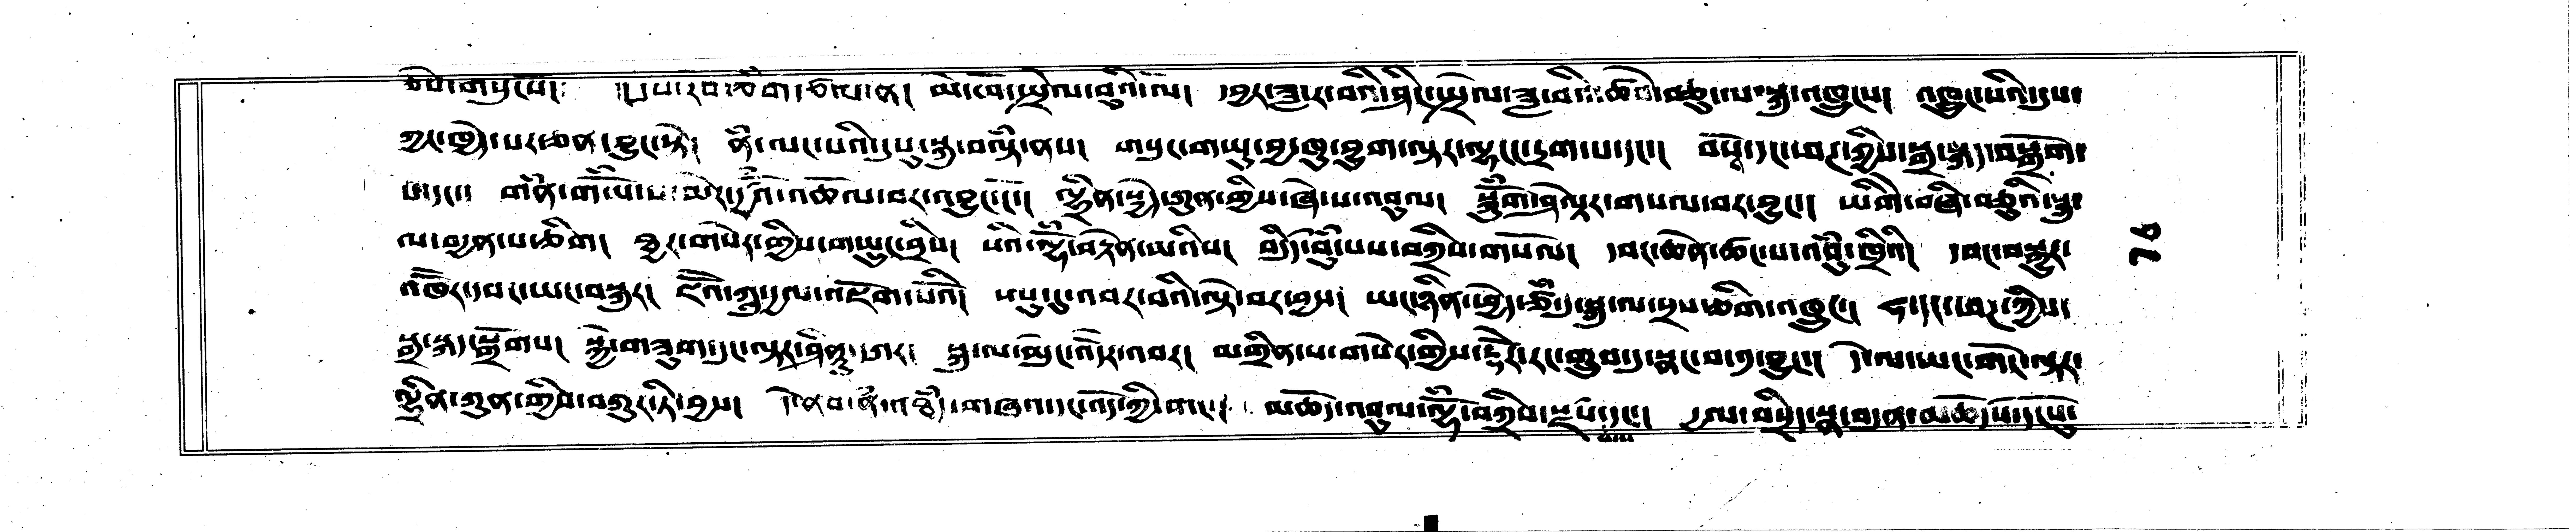ཅེས་གསུངས་སོ། དུས་རབས་ཅིག་ཙམ་ན། མེ་ཕོ་སྤྲེལ་བུའི་ལོ། དབྱར་ཟླ་ར་བའི་ཤིང་སྤྲེལ་ཟླ་བའི་ཚེས་བཅུ་ལ་སྐུ་འཁྲུངས། འཁྲུངས་པའི་དུས་
ཀྱང་ཁྱད་པར་ཅན་བྱུང་སྟེ། ནམ་ལངས་པའི་དུས་སུ་སྐུ་བལྟམས་ནས། གསུང་གཡུ་བྱ་ཁུ་བྱུག་ལྟར་ལྷང་ལྷང་དྲག་པ་དང་། བསྭོ་དང་ཕཊ་ཀྱིས་སྒྲ་སྐད་སྒྲོགས་
པ་དང་། གནམ་གོལ་ས་མེར་རྒྱ་མཚོ་འཆོལ་བར་འགྱུར་འབྱུང་ངོ་། ལྷ་སྲིན་སྡེ་བརྒྱད་ཀུན་གྱིས་ཞེ་ས་འབུལ། སྐུ་མདོག་ཤེལ་ལྟར་གསལ་བར་བྱུང་། ཡི་གེ་བཞི་བཅུའི་སྐུ་
ལ་བརྒྱན་པ་ཅིག ཐུགས་ཀར་གསེར་གྱི་གཡུང་དྲུང་བྲིས། སའི་ལྷ་མོ་བརྟན་མ་ཡིས། བདུད་རྩི་བུམ་པས་བཀྲ་ཤིས་གསོལ། དབང་ཆེན་ཚངས་པ་འབུམ་ཁྲི་ཡི། དབང་སྒྱུར་
འཁོར་ལོ་དབང་ཡང་བསྐུར། ཇོ་བོ་ཀླུ་རྒྱལ་འཇོག་པོ་འོ། ཨུ་དུ་འབར་བའི་ལྟེ་བ་བྱས། ཡང་ཉིན་ཕྱེད་ཙམ་དུ་སྐུ་ལ་སྲས་གཅིག་འཁྲུངས། ཧ་དང་ཕཊ་ཀྱི་
སྒྲ་སྐད་སྒྲོགས། སྐྱེ་གཟུགས་དུང་ལྟར་ཤིན་ཏུ་དཀར། སྐུ་ལ་མེ་དཔུང་འོད་ཟེར་འབར། མགྲིན་པ་གསེར་གྱི་རྡོ་རྗེ་རང་གྲུབ་ཏུ་སྣང་བ་ཅིག་བྱུང་། དེ་ལ་ཡང་གོང་ལྟར་
ལྷ་སྲིན་གྱིས་བཀུར་བསྟི་བྱས། དེ་ནས་ནམ་མཁའ་ཐམས་ཅད་གཞའ་དང་འོད་ཀྱིས་གང་། མཆོད་འབུལ་ལྷ་མོ་བཀྲ་ཤིས་རྫས་བརྒྱད་དང་། རྒྱལ་སྲིད་སྣ་བདུན་མཆོད་རྫས་དངོས་སུ་